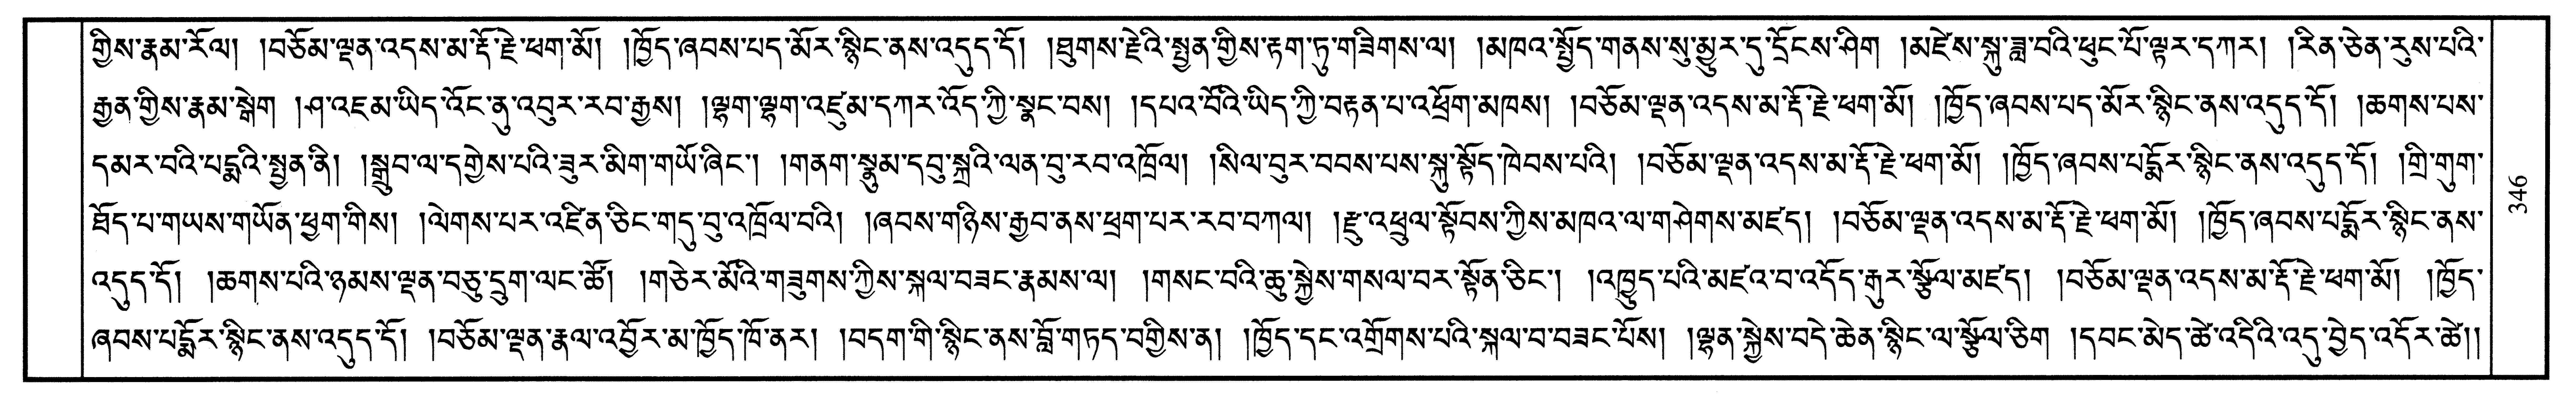གྱིས་རྣམ་རོལ། །བཅོམ་ལྡན་འདས་མ་རྡོ་རྗེ་ཕག་མོ། །ཁྱོད་ཞབས་པད་མོར་སྙིང་ནས་འདུད་དོ། །ཐུགས་རྗེའི་སྤྱན་གྱིས་རྟག་ཏུ་གཟིགས་ལ། །མཁའ་སྤྱོད་གནས་སུ་མྱུར་དུ་དྲོངས་ཤིག །མཛེས་སྐུ་ཟླ་བའི་ཕུང་པོ་ལྟར་དཀར། །རིན་ཅེན་རུས་པའི་
རྒྱན་གྱིས་རྣམ་སྒེག །ཤ་འཇམ་ཡིད་འོང་ནུ་འབུར་རབ་རྒྱས། །ལྷག་ལྷག་འཛུམ་དཀར་འོད་ཀྱི་སྣང་བས། །དཔའ་བོའི་ཡིད་ཀྱི་བརྟན་པ་འཕྲོག་མཁས། །བཅོམ་ལྡན་འདས་མ་རྡོ་རྗེ་ཕག་མོ། །ཁྱོད་ཞབས་པད་མོར་སྙིང་ནས་འདུད་དོ། །ཆགས་པས་
དམར་བའི་པདམའི་སྤྱན་ནི། །སྒྲུབ་ལ་དགྱེས་པའི་ཟུར་མིག་གཡོ་ཞིང་། །གནག་སྣུམ་དབུ་སྐྲའི་ལན་བུ་རབ་འཁྲོལ། །སིལ་བུར་བབས་པས་སྐུ་སྟོད་ཁེབས་པའི། །བཅོམ་ལྡན་འདས་མ་རྡོ་རྗེ་ཕག་མོ། །ཁྱོད་ཞབས་པདམོར་སྙིང་ནས་འདུད་དོ། །གྲི་གུག་
ཐོད་པ་གཡས་གཡོན་ཕྱག་གིས། །ལེགས་པར་འཛིན་ཅིང་གདུ་བུ་འཁྲོལ་བའི། །ཞབས་གཉིས་རྒྱབ་ནས་ཕྲག་པར་རབ་བཀལ། །རྫུ་འཕྲུལ་སྟོབས་ཀྱིས་མཁའ་ལ་གཤེགས་མཛད། །བཅོམ་ལྡན་འདས་མ་རྡོ་རྗེ་ཕག་མོ། །ཁྱོད་ཞབས་པདམོར་སྙིང་ནས་
འདུད་དོ། །ཆགས་པའི་ཉམས་ལྡན་བཅུ་དྲུག་ལང་ཚོ། །གཅེར་མོའི་གཟུགས་ཀྱིས་སྐལ་བཟང་རྣམས་ལ། །གསང་བའི་ཆུ་སྐྱེས་གསལ་བར་སྟོན་ཅིང་། །འཁྱུད་པའི་མཛའ་བ་འདོད་རྒུར་སྩོལ་མཛད། །བཅོམ་ལྡན་འདས་མ་རྡོ་རྗེ་ཕག་མོ། །ཁྱོད་
ཞབས་པདམོར་སྙིང་ནས་འདུད་དོ། །བཅོམ་ལྡན་རྣལ་འབྱོར་མ་ཁྱོད་ཁོ་ནར། །བདག་གི་སྙིང་ནས་བློ་གཏད་བགྱིས་ན། །ཁྱོད་དང་འགྲོགས་པའི་སྐལ་བ་བཟང་པོས། །ལྷན་སྐྱེས་བདེ་ཆེན་སྙིང་ལ་སྩོལ་ཅིག །དབང་མེད་ཚེ་འདིའི་འདུ་བྱེད་འདོར་ཚེ།།